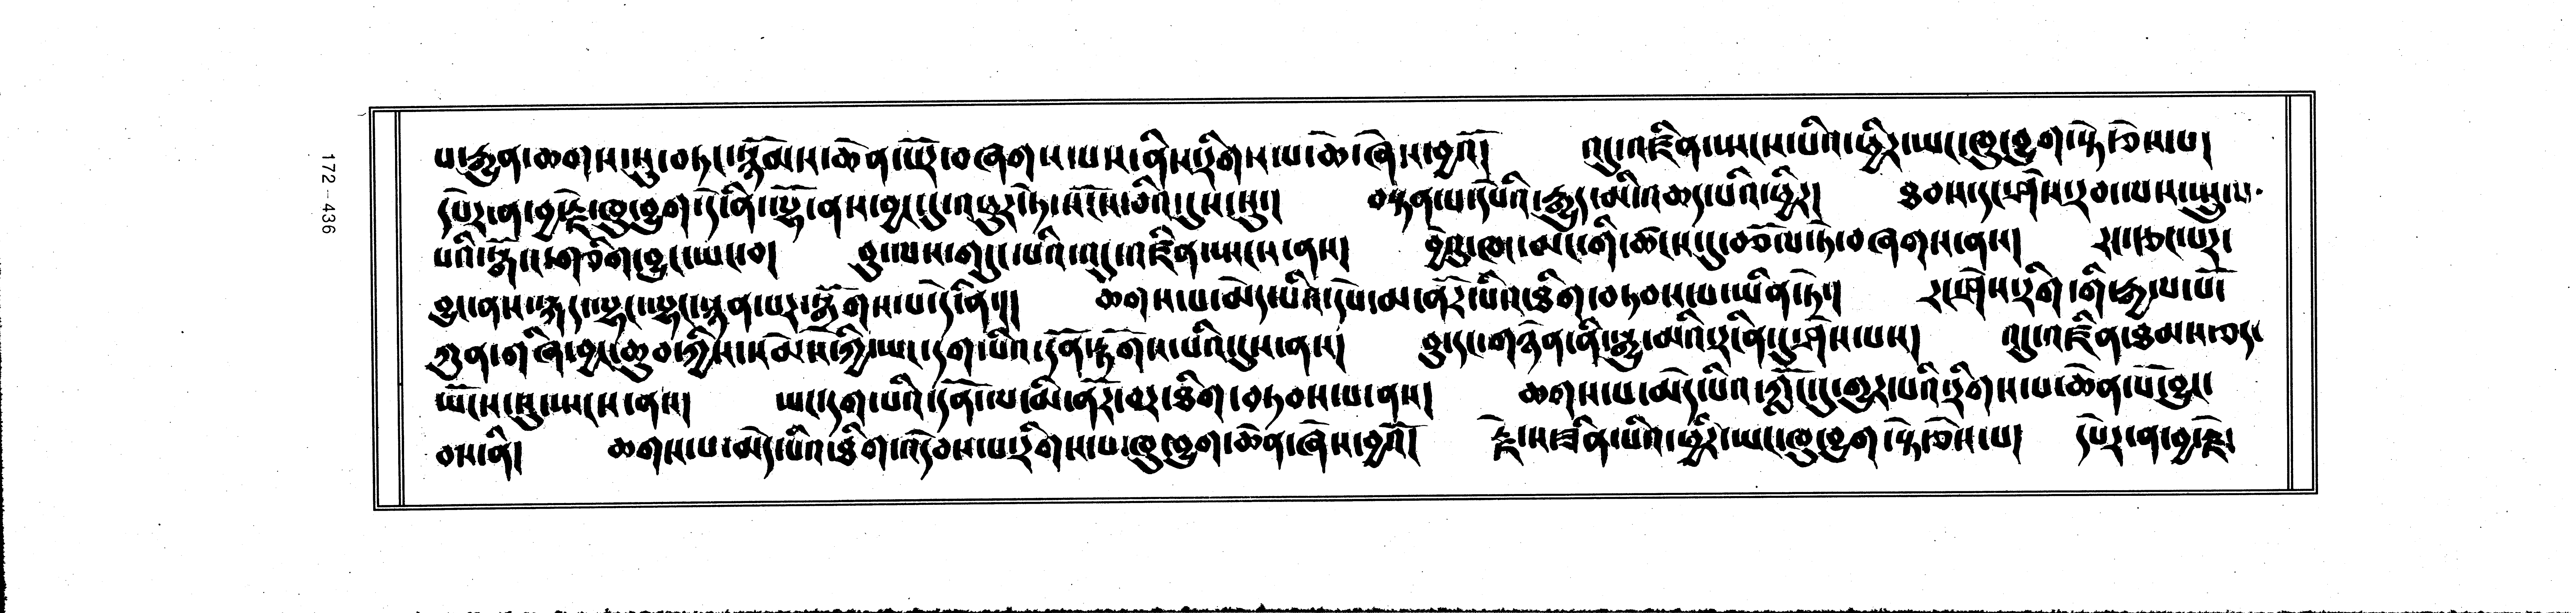པ་རྒྱུན་ཆགས་སུ་བཏང་སྙོམས་ཆེན་པོར་བཞགས་པས་ནིས་རིག་པ་ཆེ་ཞེས་བྱའོ། འདུ་འཛིན་སྤངས་པའི་ཕྱིར་ཡང་ཁུ་བྱུག་སྟེ་ཅེས་པ། 
དཔེར་ན་བྱ་རྗེ་ཁུ་བྱུག་དེ་ནི་ལྷོ་ནས་བྱང་དུ་འཕུར་ཏེ་སོངས་བའི་དུས་སུ། བསྟན་པ་དཔེའི་རྒྱུད་མི་འཆད་པའི་ཕྱིར། ཐབས་དང་ཤེས་རབ་ལས་སྤྲུལ་
པའི་སྒོའ་གཅིག་བྱུང་ཡང་བ། བུ་ལས་གདུང་པའི་འདུ་འཛིན་སྤངས་ནས། བྱེའུ་ཁང་མང་གི་ཚངས་དུ་བཅོལ་ཏེ་བཞགས་ནས། རང་རྩང་པར་
བྱུང་ནས་སྐད་ལྷང་ལྷང་སྙན་པར་སྒྲོགས་པ་དེ་ནི། ཆགས་པ་མེད་པའི་དཔེ་མ་ནོར་པའི་ཐིག་བཏབས་པ་ཡིན་ཏེ། རང་ཤེས་རིག་གི་རྒྱལ་པོ་
ཀུན་གཞི་བྱང་ཆུབ་ཀྱིས་སེམས་ཀྱི་ཡང་དག་པའི་དོན་རྟོགས་པའི་དུས་ནས། བུ་དང་གཉེན་ནི་སྒྱུ་མའི་རང་བཞིན་དུ་ཤེས་པས། འདུ་འཛིན་ཐམས་ཅད་
ཡོངས་སུ་སྤངས་ནས། ཡང་དག་པའི་དོན་ལ་མི་ནོར་བར་ཐིག་བཏབས་པ་ནས། ཆགས་པ་མེད་པའི་ཀློང་དུ་གྱུར་བའི་རིག་པ་ཆེན་པོ་བྱུང་
བས་ནི། ཆགས་པ་མེད་པའི་ཐིག་འདེབས་པ་རིག་པ་ཁུ་བྱུག་ཆེན་ཞེས་བྱའོ། རྗེ་ས་ཟིན་པའི་ཕྱིར་ཡང་ཁུ་བྱུག་སྟེ་ཅེས་པ། དཔེར་ན་བྱ་རྫེ་